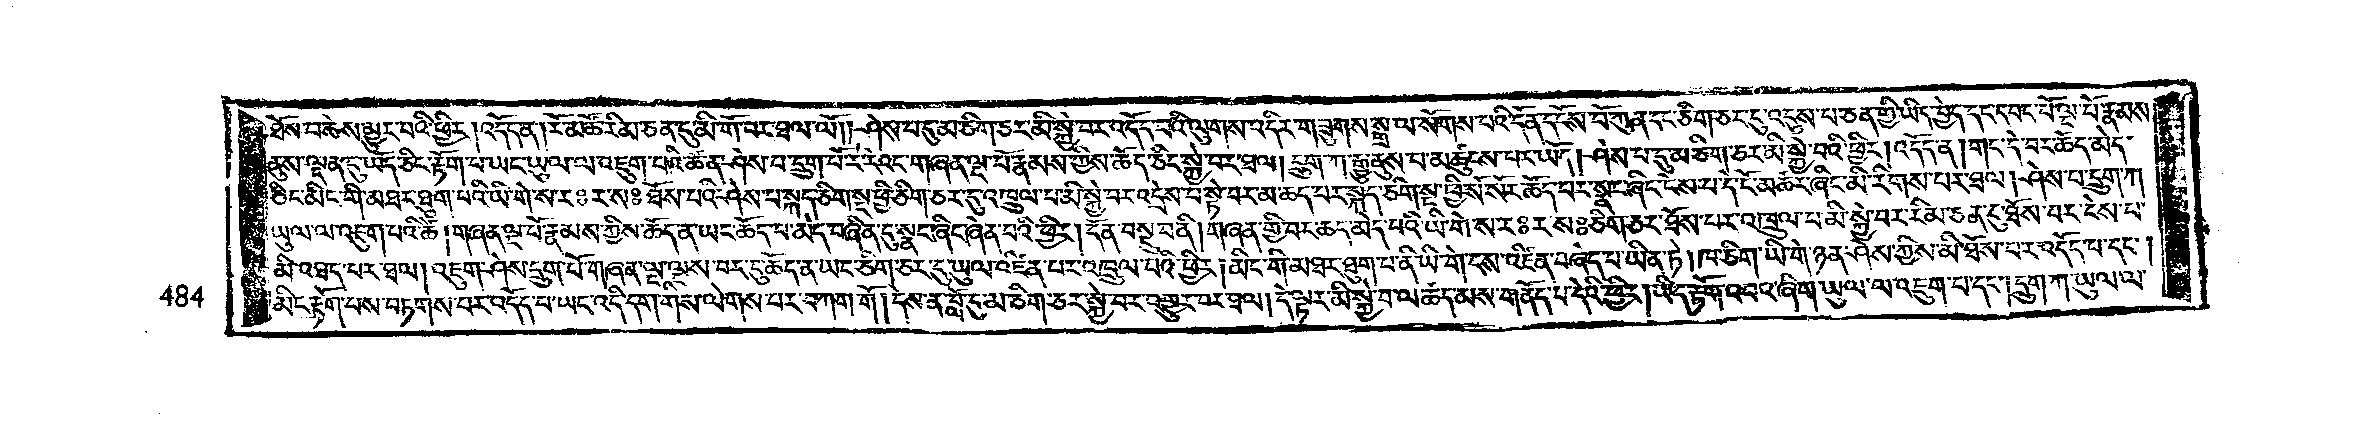ཐོས་པ་ཆེས་མྱུར་བའི་ཕྱིར། འདོད་ན། རོ་མཚོ་རིམ་ཅན་དུ་མི་གོ་བར་ཐལ་ལོ། །ཤེས་པ་དུ་མ་ཅིག་ཅར་མི་སྐྱེ་བར་འདོད་པའི་ལུགས་འདིར་གཟུགས་སྒྲ་ལ་སོགས་པའི་དོན་དངོས་པོ་ཀུན་དང་ཅིག་ཅར་དུ་འདུས་པ་ཅན་གྱི་ཡིད་བྱེད་དང་དབང་པོ་ལྔ་པོ་རྣམས་
ནུས་ལྡན་དུ་ཡོད་ཅིང་རྟོག་པ་ཡང་ཡུལ་ལ་འཇུག་པའི་ཚོན་ཤེས་པ་དྲུག་པོ་རེ་རེའང་གཞན་ལྔ་པོ་རྣམས་ཀྱིས་ཆོད་ཅིང་སྐྱེ་བར་ཐལ། དྲུག་ཀ་རྒྱུ་ནུས་པ་མཚུངས་པར་ཡོད། ཤེས་པ་དུ་མ་ཅིག་ཅར་མི་སྐྱེ་བའི་ཕྱིར། འདོད་ན། གང་དེ་བར་ཆོད་མེད་
ཅིང་མིང་གི་མཐར་ཐུག་པའི་ཡི་ས་རཿ ར་སཿ ཐོས་པའི་ཤེས་པ་སྐད་ཅིག་སྔ་ཕྱི་ཅིག་ཅར་དུ་འཁྲུལ་པ་མི་སྐྱེ་བར་འདྲེས་པ་སྟེ་བར་མ་ཆད་པར་སྐད་ཅིག་སྔ་ཕྱི་སོ་སོར་ཆོད་པར་སྣང་ཞིང་ངེས་པ་དེ་ངོ་མཚར་ཞིང་མི་རིགས་པར་ཐལ། ཤེས་པ་དྲུག་ཀ་
ཡུལ་ལ་འཇུག་པའི་ཚེ། གཞན་ལྔ་པོ་རྣམས་ཀྱིས་ཆོད་ན་ཡང་ཆོད་པ་མེད་བཞིན་དུ་སྣང་ཞིང་ཞེན་པའི་ཕྱིར། དོན་བསྡུ་བ་ནི། གཞན་གྱི་བར་ཆད་མེད་པའི་ཡི་གེ་ས་རཿ ར་སཿ ཅིག་ཅར་ཐོས་པར་འཁྲུལ་པ་མི་སྐྱེ་བར་རིམ་ཅན་དུ་ཐོས་པར་ངེས་པ་
མི་འཐད་པར་ཐལ། འཇུག་ཤེས་དྲུག་པོ་གཞན་ལྔ་ལྔས་བར་དུ་ཆོད་ན་ཡང་ཅིག་ཅར་དུ་ཡུལ་འཛིན་པར་འཁྲུལ་པའི་ཕྱིར། མིང་གི་མཐར་ཐུག་པ་ནི་ཡི་གེ་ངས་འཛིན་བཞེད་པ་ཡིན་ཏེ། ཁ་ཅིག་ཡི་གེ་ཉན་ཤེས་ཀྱིས་མི་ཐོས་པར་འདོད་པ་དང་།
མིང་རྟོག་པས་བཏགས་པར་འདོད་པ་ཡང་འདི་དག་གིས་ལེགས་པར་བཀག་གོ། དེས་ན་བློ་དུ་མ་ཅིག་ཅར་སྐྱེ་བར་འགྱུར་བར་ཐལ། དེ་ལྟར་མི་སྐྱེ་བ་ལ་ཚད་མས་གནོད་པ་དེའི་ཕྱིར། ཡིད་རྟོག་འབའ་ཞིག་ཡུལ་ལ་འཇུག་པ་དང་། དྲུག་ཀ་ཡུལ་ལ་